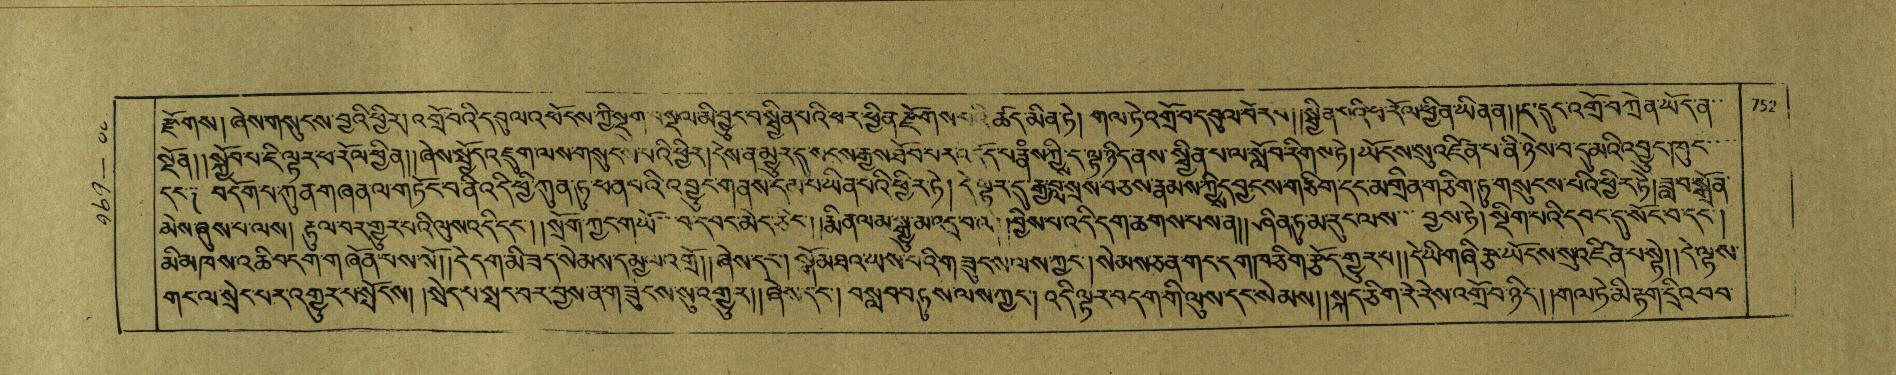རྫོགས། ཞེས་གསུངས་བྱའི་ཕྱིར། འགྲོ་བའི་དབུལ་འཕོངས་ཀྱི་སྡུག་བསྔལ་མི་བྱུང་བ་སྦྱིན་པའི་ཕར་ཕྱིན་རྫོགས་པའི་ཚད་མིན་ཏེ། གལ་ཏེ་འགྲོ་བ་དབུལ་བོར་བ། །སྦྱིན་པའི་ཕ་རོལ་ཕྱིན་ཡིན་ན། །ད་དུང་འགྲོ་བཀྲེན་ཡོད་ན་
སྔོན། །སྐྱོབ་པ་ཇི་ལྟར་ཕ་རོལ་ཕྱིན། །ཞེས་སྤྱོད་འཇུག་ལས་གསུངས་པའི་ཕྱིར། དེས་ན་མྱུར་དུ་སངས་རྒྱས་ཐོབ་པར་འདོད་པ་རྣམས་ཀྱིས་ད་ལྟ་ཉིད་ནས་སྦྱིན་པ་ལ་སློབ་རིགས་ཏེ། ཡོངས་སུ་འཛིན་པ་ནི་ཉེས་བ་དུ་མའི་འབྱུང་ཁུང་
དང༑ བདོག་པ་ཀུན་གཞན་ལ་གཏོང་བ་ནི་འདི་ཕྱི་ཀུན་ཏུ་ཕན་པའི་འབྱུང་གནས་དམ་པ་ཡིན་པའི་ཕྱིར་ཏེ། དེ་ལྟར་དུ་རྒྱ་བླ་སྲས་བཅས་རྣམས་ཀྱིས་དབྱངས་གཅིག་དང་མགྲིན་གཅིག་ཏུ་གསུངས་པའི་ཕྱིར་ཏེ། ཟླ་བ་སྒྲོན་
མེས་ཞུས་པ་ལས། རྟུལ་བར་གྱུར་པའི་ལུས་འདི་དང་། །སྲོག་ཀྱང་གཡོ་བ་དབང་མེད་ཅིང་། །རྨིན་ལམ་སྒྱུ་མ་འདྲ་བ་ལ། །བྱིས་པ་འདི་དག་ཆགས་པས་ན། །ཤིན་ཏུ་མ་རུང་ལས་བྱས་ཏེ། སྡིག་པའི་དབང་དུ་སོང་བ་དང་།
མི་མཁས་འཆི་བདག་གཞོན་པས་སོ། །དེ་དག་མི་ཟད་སེམས་དམྱལ་འགྲོ། །ཞེས་དང་། སྒོ་མཐའ་ཡས་པའི་གཟུངས་ལས་ཀྱང་། སེམས་ཅན་གང་དག་ཁ་ཅིག་རྩོད་གྱུར་པ། །དེ་ཡི་གཞི་རྩ་ཡོངས་སུ་འཛིན་པ་སྟེ། །དེ་ལྟས་
གང་ལ་སྲེད་པར་འགྱུར་པ་སྤོངས། །སྲེད་པ་སྤང་བར་བྱས་ན་གཟུངས་སུ་འགྱུར། །ཞེས་དང་། བསླབ་བཏུས་ལས་ཀྱང་། འདི་ལྟར་བདག་གི་ལུས་དང་སེམས། །སྐད་ཅིག་རེ་རེས་འགྲོ་བ་ཉིད། །གལ་ཏེ་མི་རྟག་དྲི་འབབ་